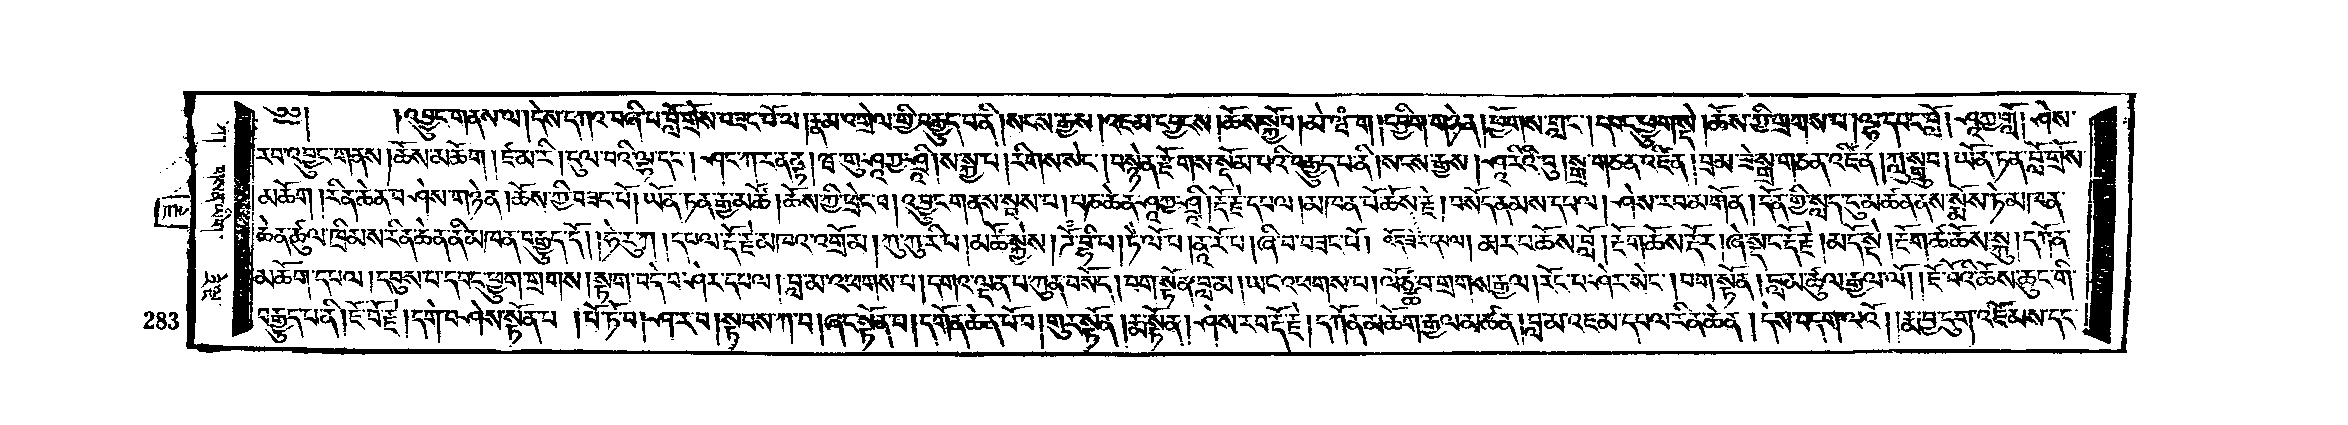༄༅། །འབྱུང་གནས་ལ། དེས་དཀའ་བཞི་པ་བློ་གྲོས་བཟང་པོ་ལ། རྣམ་འགྲེལ་གྱི་བརྒྱུད་པ་ནི། སངས་རྒྱས། འཇམ་དབྱངས། ཆོས་སྐྱོབ། མེ་ཝཾ་ག །དབྱིག་གཉེན། ཕྱོགས་གླང་། དབང་ཕྱུག་སྡེ། ཆོས་ཀྱི་གྲགས་པ། ལྷ་དབང་བློ། ཤཱཀྱ་གློ། ཤེས་
རབ་འབྱུང་གནས། ཆོས་མཆོག །ཛ་མ་རི། དུལ་བའི་ལྷ་དང་། ཤང་ཀ་ར་ནནྟ། ཝ་གུ་ཤཱཀྱ་ཤྲཱི། ས་སྐྱ་པ། རིགས་སེང་། བསྙེན་རྫོགས་སྡོམ་པའི་བརྒྱུད་པ་ནི། སངས་རྒྱས། ཤཱ་རིའི་བུ། སྒྲ་གཅན་འཛིན། བྲམ་ཟེ་སྒྲ་གཅན་འཛིན། ཀླུ་སྒྲུབ། ཡོན་ཏན་བློ་གྲོས་
མཆོག །རིན་ཆེན་བཤེས་གཉེན། ཆོས་ཀྱི་བཟང་པོ། ཡོན་ཏན་རྒྱ་མཚོ། ཆོས་ཀྱི་ཕྲེང་བ། འབྱུང་གནས་སྦས་པ། པཎ་ཆེན་ཤཱཀྱ་ཤྲཱི། རྡོ་རྗེ་དཔལ་།མཁན་པོ་ཆོས་རྗེ། བསོད་ནམས་དཔལ། ཤེས་རབ་མགོན། དོན་གྱི་སླད་དུ་མཚན་ནས་སྨོས་ཏེ་མཁན་
ཆེན་ཚུལ་ཁྲིམས་རིན་ཆེན་ནི་མཁན་བརྒྱུད་དོ། །ཧེ་རུ་ཀ །དཔལ་རྡོ་རྗེ་མཁའ་འགྲོ་མ། ཀུ་ཀུ་རི་པ། མཚོ་སྐྱེས། ཌོཾ་བྷི་པ། ཏཻ་ལོ་པ། ནཱ་རོ་པ། ཞི་བ་བཟང་པོ། འོད་ཟེར་དཔལ་མར་པ་ཆོས་བློ། རྡོག་ཆོས་རྡོར། ཞེ་སྡང་རྡོ་རྗེ། མདོ་སྡེ། རྡོག་ཚ་ཆོས་སྐུ། དཀོན་
མཆོག་དཔལ། དབུས་པ་དབང་ཕྱུག་གྲགས། སྟག་བདེ་བ་ཤེར་དཔལ། བླ་མ་འཕགས་པ། དགའ་ལྡན་པ་ཀུན་བསོད། བག་སྟོན་བླ་མ། ཡང་འཕགས་པ། ལོཙྪ་བ་གྲགས་རྒྱལ། རོང་པ་ཤེར་སེང་། བག་སྟོན། བླ་མ་ཚུལ་རྒྱལ་ལོ། །ཇོ་བོའི་ཆོས་ཆུང་གི་
བརྒྱུད་པ་ནི། ཇོ་བོ་རྗེ། དགེ་བཤེས་སྟོན་པ། པོ་ཏོ་བ། ཤ་ར་བ། སྟབས་ཀ་བ། ཞང་སྟོན་པ། དགོན་ཆེན་པོ་བ། གུར་སྟོན། རྨ་སྟོན། ཤེས་རབ་རྡོ་རྗེ། དཀོན་མཆོག་རྒྱལ་མཚན། བླ་མ་འཇམ་དཔལ་རིན་ཆེན། དེས་བདག་ལའོ། །རྨ་བྱ་དུག་འཇོམས་དང་